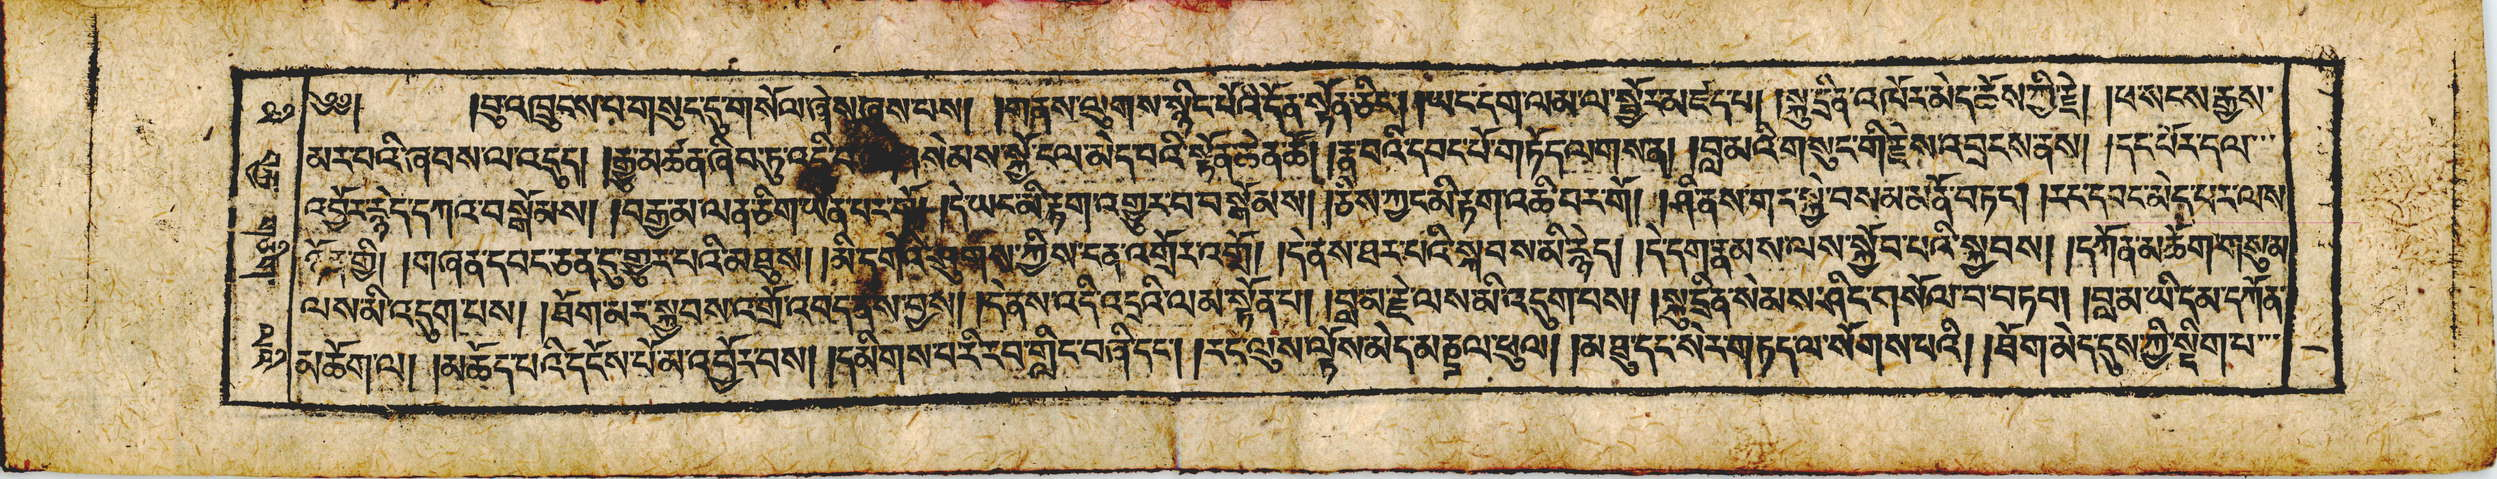བུ་འཁྲུངས་པ་གསུང་དུ་གསོལ་ཞེས་ཞུས་པས། །གནས་ལུགས་སྙིང་པོའི་དོན་སྟོན་ཅིང་། ཡང་དག་ལམ་ལ་སྦྱོར་མཛད་པ། །སྐུ་དྲིན་འཁོར་མེད་ཆོས་ཀྱི་རྗེ། །ཕ་སངས་རྒྱས་
མར་པའི་ཞབས་ལ་འདུད། །རྒྱུ་མཚན་ཞིབ་ཏུ་འདི་ལ་སེམས། །སྐྱོ་ངལ་མེད་པའི་སྟོན་ཆེན་ཚོ། །རྣ་པའི་དབང་པོ་གཏོད་ལ་གསན། །བླ་མའི་གསུང་གི་རྗེས་འབྲངས་ནས། །དང་པོར་དལ་
འབྱོར་རྙེད་དཀའ་བསྒོམས། །བརྒྱ་ལ་ལན་ཅིག་ཡིན་པར་གོ། །དེ་ཡང་མི་རྟག་འགྱུར་བ་བསྒོམས། །ཅིས་ཀྱང་མི་རྟག་འཆི་བར་གོ། །ཤི་ནས་གར་སྐྱེ་བསམ་མནོ་བཏང་། །རང་དབང་མེད་པར་ལས་
ཉོན་གྱི། །གཞན་དབང་ཅན་དུ་གྱུར་པའི་མཐུས། །མི་དགེའི་ཤུགས་ཀྱིས་ངན་འགྲོར་འགྲོ། །དེ་ནས་ཐར་པའི་སྐབས་མ་རྙེད། །དེ་དག་རྣམས་ལས་སྐྱོབ་པའི་སྐྱབས། །དཀོན་མཆོག་གསུམ་
ལས་མི་འདུག་པས། །ཐོག་མར་སྐྱབས་འགྲོ་འབད་ནས་བྱས། །དེ་ནས་འདི་འདྲའི་ལམ་སྟོན་པ། །བླ་མ་རྗེ་ལས་མ་འདུག་པས། །སྐུ་དྲིན་སེམས་ཤིང་གསོལ་བ་བཏབ། །བླ་མ་ཡི་དམ་དཀོན་
མཆོག་ལ། །མཆོད་པའི་དངོས་པོ་མ་འབྱོར་བས། དམིགས་པ་རི་རབ་གླིང་བཞི་དང་། །རང་ལུས་ལྟོས་མེད་མཎྜལ་ཕུལ། །མཐུ་དང་སེར་གཏད་ལ་སོགས་པའི། །ཐོག་མེད་དུས་ཀྱི་སྡིག་པ་